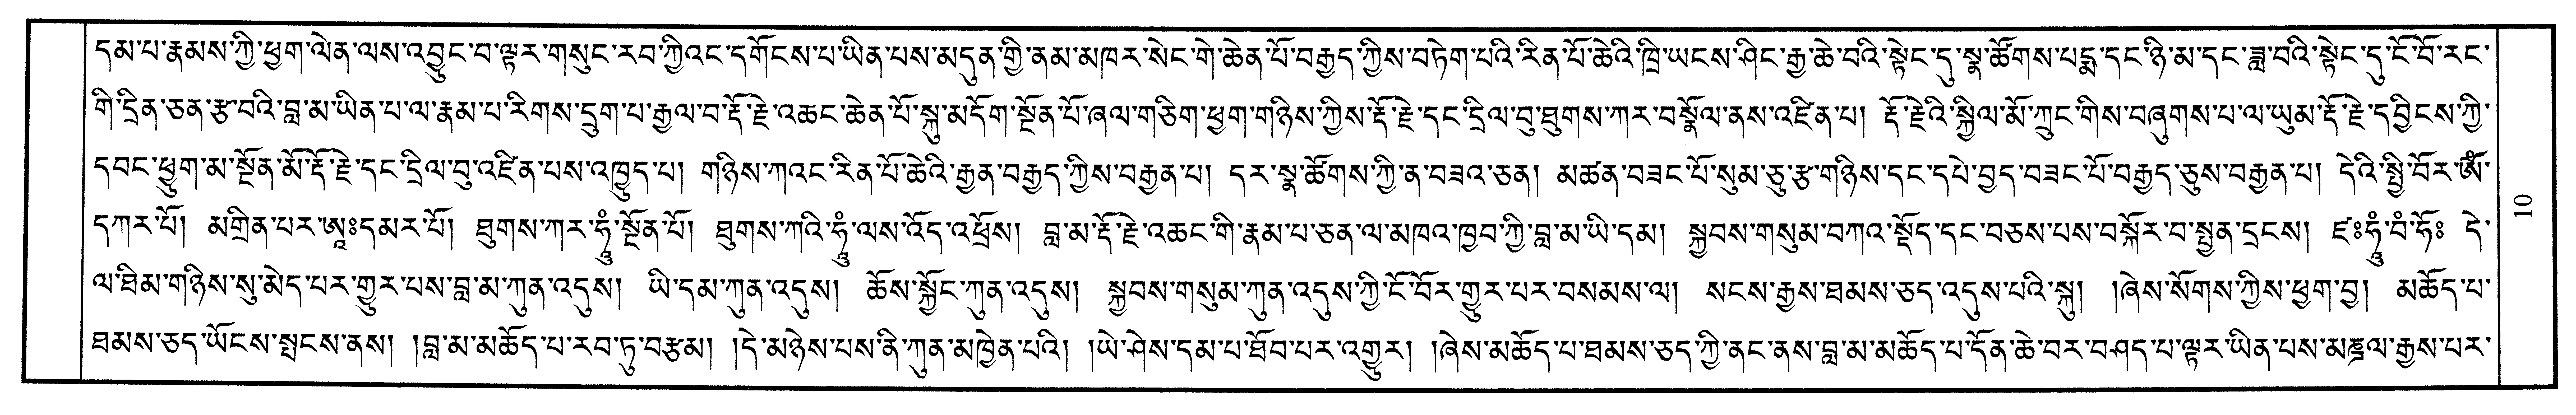དམ་པ་རྣམས་ཀྱི་ཕྱག་ལེན་ལས་འབྱུང་བ་ལྟར་གསུང་རབ་ཀྱིའང་དགོངས་པ་ཡིན་པས་མདུན་གྱི་ནམ་མཁར་སེང་གེ་ཆེན་པོ་བརྒྱད་ཀྱིས་བཏེག་པའི་རིན་པོ་ཆེའི་ཁྲི་ཡངས་ཤིང་རྒྱ་ཆེ་བའི་སྟེང་དུ་སྣ་ཚོགས་པདམ་དང་ཉི་མ་དང་ཟླ་བའི་སྟེང་དུ་ངོ་བོ་རང་
གི་དྲིན་ཅན་རྩ་བའི་བླ་མ་ཡིན་པ་ལ་རྣམ་པ་རིགས་དྲུག་པ་རྒྱལ་བ་རྡོ་རྗེ་འཆང་ཆེན་པོ་སྐུ་མདོག་སྔོན་པོ་ཞལ་གཅིག་ཕྱག་གཉིས་ཀྱིས་རྡོ་རྗེ་དང་དྲིལ་བུ་ཐུགས་ཀར་བསྣོལ་ནས་འཛིན་པ། རྡོ་རྗེའི་སྐྱིལ་མོ་ཀྲུང་གིས་བཞུགས་པ་ལ་ཡུམ་རྡོ་རྗེ་དབྱིངས་ཀྱི་
དབང་ཕྱུག་མ་སྔོན་མོ་རྡོ་རྗེ་དང་དྲིལ་བུ་འཛིན་པས་འཁྱུད་པ། གཉིས་ཀའང་རིན་པོ་ཆེའི་རྒྱན་བརྒྱད་ཀྱིས་བརྒྱན་པ། དར་སྣ་ཚོགས་ཀྱི་ན་བཟའ་ཅན། མཚན་བཟང་པོ་སུམ་ཅུ་རྩ་གཉིས་དང་དཔེ་བྱད་བཟང་པོ་བརྒྱད་ཅུས་བརྒྱན་པ། དེའི་སྤྱི་བོར་ཨོཾ་
དཀར་པོ། མགྲིན་པར་ཨཱཿ དམར་པོ། ཐུགས་ཀར་ཧཱུཾ་སྔོན་པོ། ཐུགས་ཀའི་ཧཱུཾ་ལས་འོད་འཕྲོས། བླ་མ་རྡོ་རྗེ་འཆང་གི་རྣམ་པ་ཅན་ལ་མཁའ་ཁྱབ་ཀྱི་བླ་མ་ཡི་དམ། སྐྱབས་གསུམ་བཀའ་སྡོད་དང་བཅས་པས་བསྐོར་བ་སྤྱན་དྲངས། ཛཿ ཧཱུཾ་བཾ་ཧོཿ དེ་
ལ་ཐིམ་གཉིས་སུ་མེད་པར་གྱུར་པས་བླ་མ་ཀུན་འདུས། ཡི་དམ་ཀུན་འདུས། ཆོས་སྐྱོང་ཀུན་འདུས། སྐྱབས་གསུམ་ཀུན་འདུས་ཀྱི་ངོ་བོར་གྱུར་པར་བསམས་ལ། སངས་རྒྱས་ཐམས་ཅད་འདུས་པའི་སྐུ། །ཞེས་སོགས་ཀྱིས་ཕྱག་བྱ། མཆོད་པ་
ཐམས་ཅད་ཡོངས་སྤངས་ནས། །བླ་མ་མཆོད་པ་རབ་ཏུ་བརྩམ། །དེ་མཉེས་པས་ནི་ཀུན་མཁྱེན་པའི། །ཡེ་ཤེས་དམ་པ་ཐོབ་པར་འགྱུར། །ཞེས་མཆོད་པ་ཐམས་ཅད་ཀྱི་ནང་ནས་བླ་མ་མཆོད་པ་དོན་ཆེ་བར་བཤད་པ་ལྟར་ཡིན་པས་མཎྜལ་རྒྱས་པར་